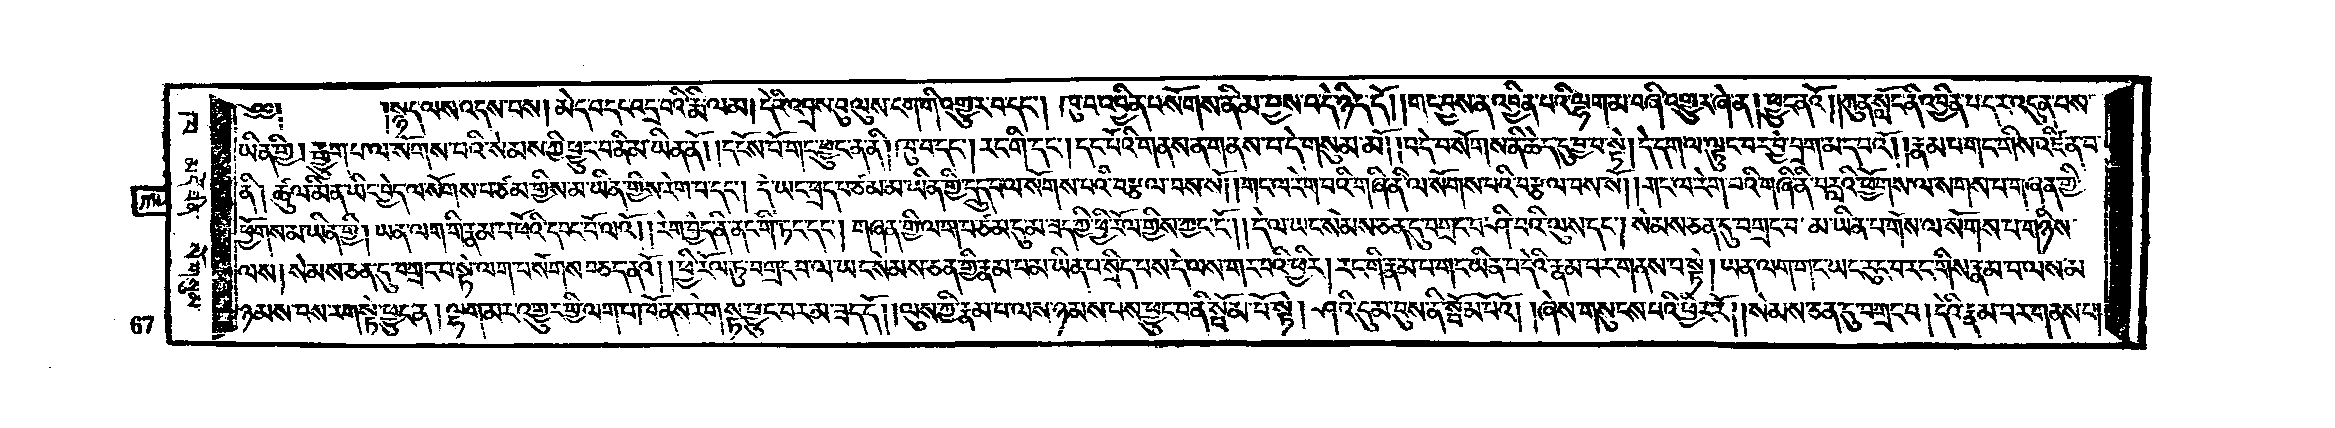༄༅། །སྙད་ལས་འདས་པས། མེད་པ་དང་འདྲ་བའི་རྨི་ལམ། དེའི་འབྲས་བུ་ལུས་ངག་གི་འགྱུར་བ་དང་། ཁུ་བ་འབྱིན་པ་སོགས་ནི་མ་བྱས་པ་དེ་ཉིད་དོ། །གང་བྱས་ན་འབྱིན་པའི་ལྷག་མ་བཞི་འགྱུར་ཞེ་ན། ཕྱུང་ནའོ། །ཀུན་སློང་ནི་འབྱིན་པ་དར་འདུན་པས་
ཡིན་གྱི། རྒྱུག་པ་ལ་སོགས་པའི་སེམས་ཀྱི་ཕྱུང་བ་ནི་མ་ཡིན་ནོ། །དངོས་པོ་གང་བྱུང་ན་ནི། ཁུ་བ་དང་། རང་གི་དང་། དང་པོའི་གནས་ན་གནས་པ་དེ་གསུམ་མོ། །བདེ་བ་སོགས་ནི་ཆེད་དུ་བྱ་བ་སྟེ། དེ་དག་ལ་ལྟུང་བར་བྱེ་བྲག་མེད་པའོ། །རྣམ་པ་གང་གིས་འཛིན་པ་
ནི། ཚུལ་མིན་ཡིད་བྱེད་ལ་སོགས་པ་ཙམ་གྱིས་མ་ཡིན་གྱིས་རེག་པ་དང་། དེ་ཡང་ཕྲད་པ་ཙམ་མ་ཡིན་གྱི་དྲུད་པ་ལ་སོགས་པའི་བརྩལ་བས་སོ། །གང་ལ་རེག་པའི་གཞི་ནཾ་ལ་སོགས་པའི་བརྩལ་བས་སོ། །གང་ལ་རེག་པའི་གཞི་ནི་བརླའི་ཕྱོགས་ལ་སོགས་པ་གཞན་གྱི་
ཕྱོགས་མ་ཡིན་གྱི། ཡན་ལག་གི་རྣམ་པ་ཕོའི་དབང་པོ་ལའོ། །རེག་བྱེད་ནི་ནང་གི་ཏང་དང་། གཞན་གྱི་ལག་པ་ཙམ་དུ་མ་ཟད་ཀྱི་ཕྱི་རོལ་གྱིས་ཀྱང་ངོ། །དེ་ལ་ཡང་སེམས་ཅན་དུ་བགྲང་བ་ཤི་བའི་ལུས་དང་། སེམས་ཅན་དུ་བགྲང་བ་མ་ཡིན་པ་གོས་ལ་སོགས་པ་གཉིས་
ལས། སེམས་ཅན་དུ་བགྲང་བ་སྟེ་ལག་པ་སོགས་བཅད་ནའོ། །ཕྱི་རོལ་ཏུ་བགྲང་བ་ལ་ཡང་སེམས་ཅན་གྱི་རྣམ་པ་མ་ཡིན་པ་སྲིད་པས་ད་ལས་གར་བའི་ཕྱིར། རང་གི་རྣམ་པ་གང་ཡིན་པ་དེའི་རྣམ་པར་གནས་པ་སྟེ། ཡན་ལག་གང་ཡང་རུང་བ་རང་གིས་རྣམ་པ་ལས་མ་
ཉམས་པས་རེག་སྟེ་ཕྱུང་ན། ལྷག་མར་འགྱུར་གྱི་ལག་པ་ཁོ་ནས་རེག་སྟེ་ཕྱུང་བར་མ་ཟད་དོ། །ལུས་ཀྱི་རྣམ་པ་ལས་ཉམས་པས་ཕྱུང་བ་ནི་སྤོམ་པོ་སྟེ། ཤའི་དུམ་བུས་ནི་སྦེམ་པོའོ། །ཞེས་གསུངས་པའི་ཕྱིར་རོ། །སེམས་ཅན་དུ་བགྲང་བ། དེའི་རྣམ་པར་གནས་པ།